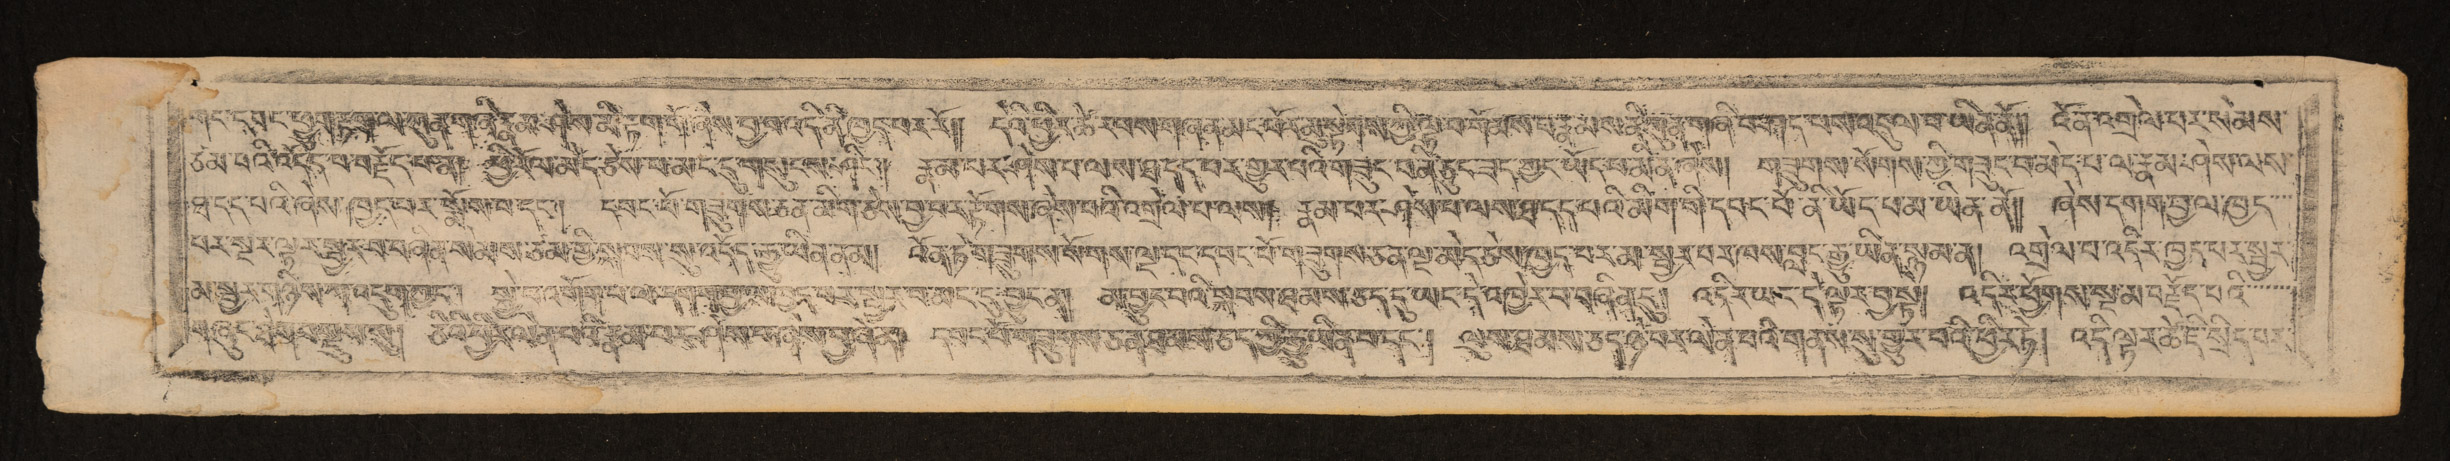གང་དབང་ཕྱུག་རྟག་ལ་ཀུན་གཞི་རྣམ་ཤེས་མི་རྟག་གོ་ཞེས་བྱ་བ་འདི་ནི་ཁྱད་པར་རོ།། དེའི་ཕྱིར་ཚེ་རབས་གཞན་མང་པོར་མུ་སྟེགས་ཀྱི་ལྟ་བ་གོམས་པ་རྣམས་ནི་ཀུན་གཞི་བཤད་པས་འདུལ་བ་ཡིན་ནོ།། འོ་ན་འགྲེལ་པར་སེམས་
ཙམ་པའི་འདོད་པ་བརྗོད་པ་ན། ཕྱི་རོལ་མེད་ཅེས་པ་མང་དུ་གསུངས་ཤིང་། རྣམ་པར་ཤེས་པ་ལས་ཐ་དད་པར་གྱུར་བའི་གཟུང་བ་ནི་ཅུང་ཟད་ཀྱང་ཡོད་པ་མིན་ཞེས། གཟུགས་སོགས་ཀྱི་གཟུང་བ་མེད་པ་ལ་རྣམ་ཤེས་ལས་
ཐ་དད་པའི་ཞེས་ཁྱད་པར་སྨོས་པ་དང་། དབང་པོ་གཟུགས་ཅན་མིག་ཅེས་བྱ་བར་རྟོགས་ཞེས་པའི་འགྲེལ་པ་ལས། རྣམ་པར་ཤེས་པ་ལས་ཐ་དད་པའི་མིག་གི་དབང་པོ་ནི་ཡོད་པ་མ་ཡིན་ནོ།། ཞེས་དགག་བྱ་ལ་ཁྱད་
པར་སྔར་ལྟར་སྦྱར་བ་བཞིན་སེམས་ཙམ་གྱི་སྐབས་སུ་འདོད་རྒྱུ་ཡིན་ནམ། འོན་ཏེ་གཟུགས་སོགས་ལྔ་དང་དབང་པོ་གཟུགས་ཅན་ལྔ་མེད་ཅེས་ཁྱད་པར་མ་སྦྱར་བར་ཁས་བླང་རྒྱུ་ཡིན་སྙམ་ན། འགྲེལ་པ་འདིར་ཁྱད་པར་སྦྱར་
མ་སྦྱར་གཉིས་ཀ་འདུག་ཀྱང་། སྐྱེ་བ་འགོག་པ་ལ་དགག་བྱ་ལ་ཁྱད་པར་སྦྱར་བ་མང་དུ་བྱུང་ན། མ་བྱུང་བའི་སྐབས་ཐམས་ཅད་དུ་ཡང་དེ་འཁྱེར་བ་བཞིན་དུ། འདིར་ཡང་དེ་ལྟར་བྱ་སྟེ། འདིར་ཕྱོགས་སྔ་མ་བརྗོད་པའི་
གཞུང་ཐེག་བསྡུས་སུ། ཅིའི་ཕྱིར་ལེན་པའི་རྣམ་པར་ཤེས་པ་ཞེས་བྱ་ཞེ་ན། དབང་པོ་གཟུགས་ཅན་ཐམས་ཅད་ཀྱི་རྒྱུ་ཡིན་པ་དང་། ལུས་ཐམས་ཅད་ཉེ་བར་ལེན་པའི་གནས་སུ་གྱུར་པའི་ཕྱིར་ཏེ། འདི་ལྟར་ཚེ་ཇི་སྲིད་པར་